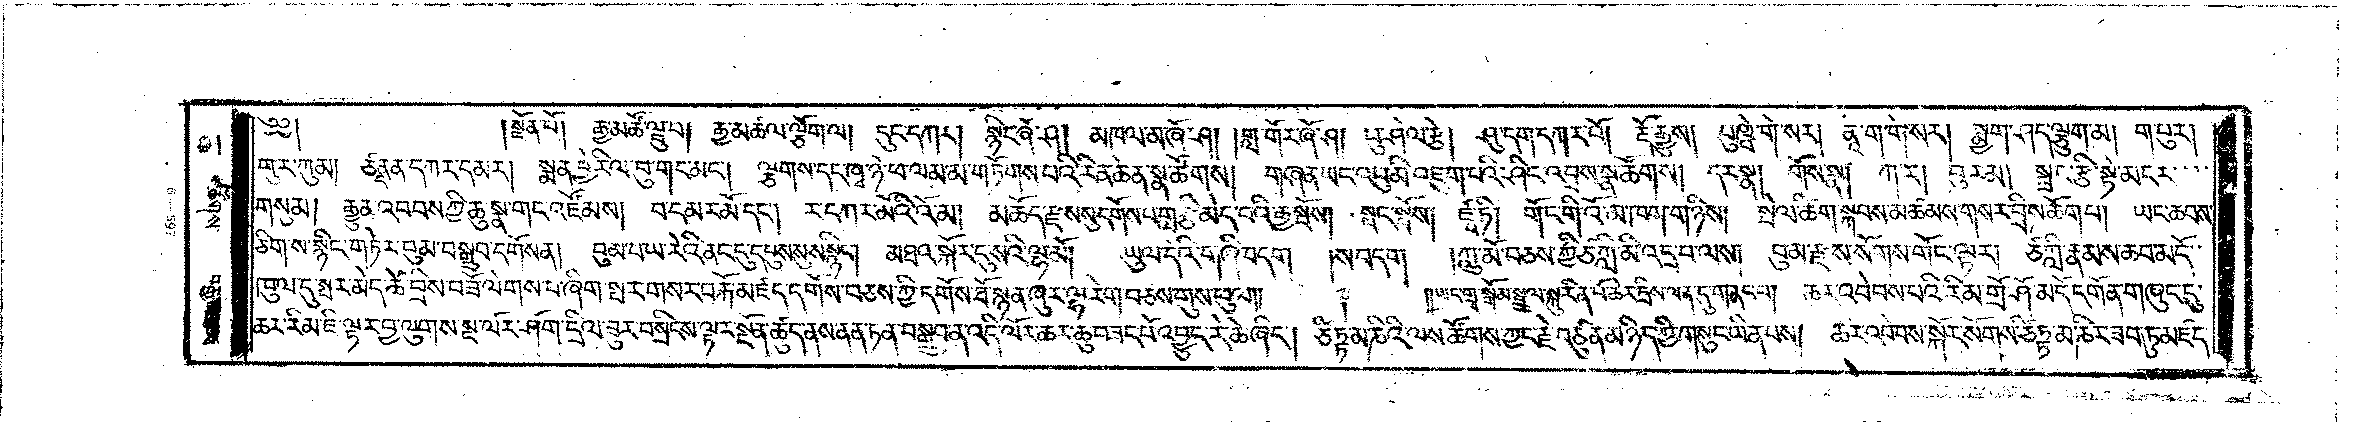༄༅། །སྔོན་པོ། རྒྱ་མཚོ་ལྦུ་པ། རྒྱ་མཚལ་ལྕོག་ལ།  དུང་དཀར། སྙིང་ཞོ་ཤ། མཁལ་མ་ཞོ་ཤ། །གླ་གོར་ཞོ་ཤ། པུ་ཤེལ་རྩེ། ཤུ་དག་དཀར་པོ། རྡོ་རྒྱུས། པུཥྦེ་གེ་སར། ནཱ་ག་གེ་སར། སྨྱག་ཤད་ལྕུག་མ། ག་པུར།
གུར་ཀུམ། ཙནྡན་དཀར་དམར། སྨན་བྱེ་རིལ་བུ་གང་མང་། ལྕགས་དང་ཞྭ་ཉེ་ཕ་ལམ་མ་གཏོགས་པའི་རིན་ཆེན་སྣ་ཚོགས། གཞན་ཡང་འབུ་མི་འཇུག་པའི་ཤིང་འབྲས་སྣ་ཚོགས། དར་སྣ། གོས་སྣ། ཀ་ར། བུ་རམ། སྦྲང་རྩི་སྟེ་མངར་
གསུམ། རྒྱུན་འབབས་ཀྱི་ཆུ་སྣ་གང་འཛོམས། བ་དམར་མོ་དང་། ར་དཀར་མོའི་འོ་མ། མཆོད་རྫས་སུ་དགོས་པ་གླ་རྩི་མེད་པའི་རྒྱ་སྤོས། སྤང་སྤོས། ཛཱ་ཏི། གོང་གི་འོ་མ་ཁག་གཉིས། སྤེལ་ཚིག་སྐབས་མཚམས་གསར་བྲིས་ཆོག་པ། ཡང་ཆབས་
ཅིག་ས་སྙིང་གཏེར་བུམ་བསྒྲུབ་དགོས་ན། བུམ་པ་ཡ་རེའི་ནང་དུ་དཔུས་སུས་སྙིང་། མཐའ་སྐོར་དུ་སའི་ལྷ་མོ། ཡུལ་དེའི་གཞི་བདག །ས་བདག །ཀླུ་མོ་བཅས་ཀྱི་ཙཀླི་མི་འདྲ་བ་ལས། བུམ་རྫས་སོགས་གོང་ལྟར། ཙཀླི་རྣམས་ཆབ་མདོ་
ཁུལ་དུ་སྤར་མེད་ཚེ་བྲིས་བཟོ་ལེགས་པ་ཞིག་སྤར་གསར་བརྐོ་མཛད་དགོས་བཅས་ཀྱི་དགོས་ཐོ་སྙན་ཞུར་ལྷ་རེག་བཅས་གུས་ཕུལ།། ༈ །།ཡང་གྲྭ་སྒོམ་སྤྲུལ་སྐུ་རིན་པོ་ཆེར་དྲིས་ལན་དུ་གནང་བ།  ཆར་འབེབས་པའི་རིམ་གྲོ་ཤོ་མདོ་དགོན་གཞུང་དུ་
ཆར་རིམ་ཇི་ལྟར་བྱ་ལུགས་སྔ་ལོར་ཤོག་དྲིལ་ཟུར་བསྲིངས་ལྟར་སྔོན་ཚུད་ནས་ནན་ཏན་བསྒྲུབ་ན་འདི་ལོར་ཆར་ཆུ་བཟང་པོ་འབྱུང་རེ་ཆེ་ཞིང་། ཙིཏྟ་མ་ཎིའི་ལས་ཚོགས་ཀྱང་རྗེ་བཙུན་མ་ཉིད་གྱི་གསུང་ཡིན་པས། ཆར་འབེབས་སྐོར་སོགས་ཙིཏྟ་མ་ཎིར་ཟབ་ཏུ་མཛད་